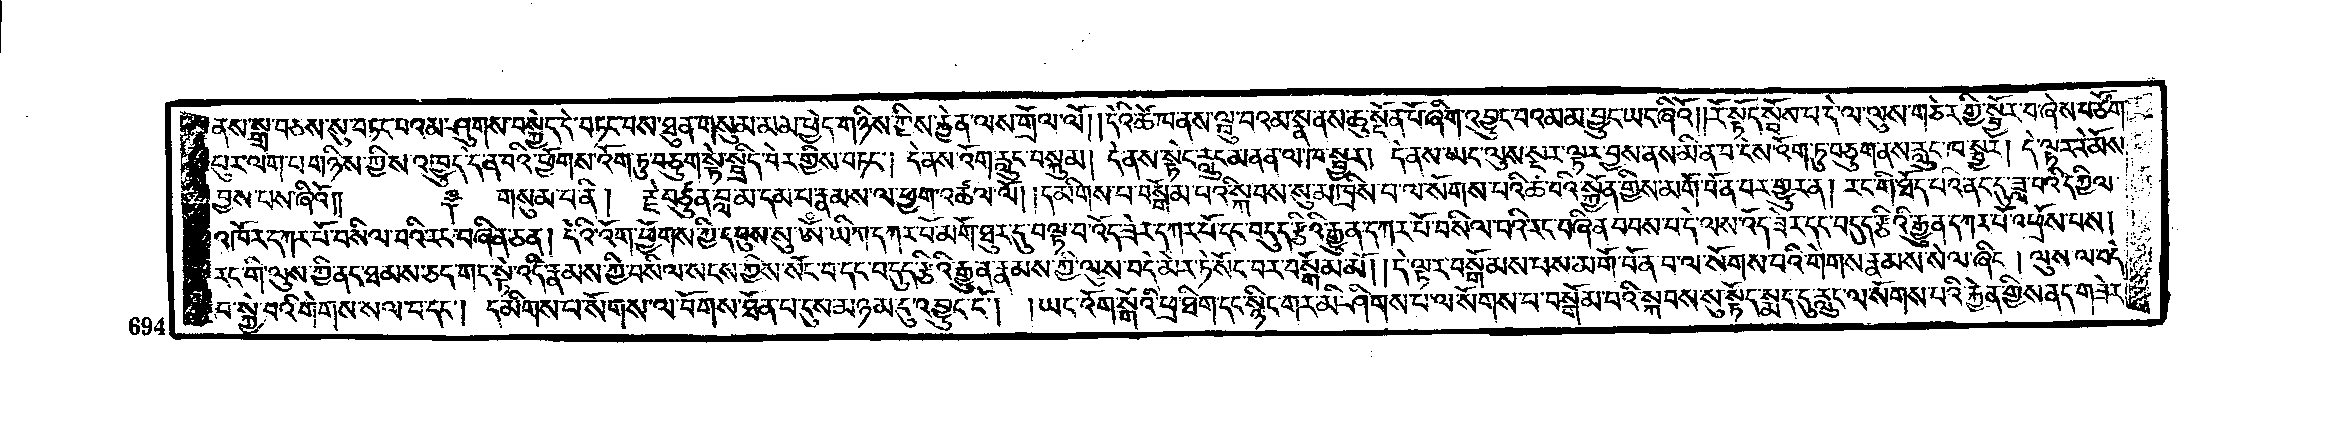ནས་སྒྲ་བཅས་སུ་བཏང་པའམ་ཤུགས་བསྐྱེད་དེ་བཏང་བས་ཐུན་གསུམ་མམ་ཕྱེད་གཉིས་ཀྱིས་རྐྱེན་ལས་གྲོལ་ལོ། །དེའི་ཚེ་ཁ་ནས་ལྦུ་བའམ་སྣ་ནས་ཆུ་སྔོན་པོ་ཞིག་འབྱུང་བའམ་མ་བྱུང་ཡང་ཞིའོ། །རོ་སྟོད་སྦོས་པ་དེ་ལ་ལུས་གཅེར་གྱི་སྦྱོར་བ་ཞེས་པ་ཙོག་
པུར་ལག་པ་གཉིས་ཀྱིས་འཁྱུད་དེ་ན་བའི་ཕྱོགས་འོག་ཏུ་བཅུག་སྟེ་སྦྲིད་བེར་གྱིས་བཏང་། དེ་ནས་འོག་རླུང་བསྐུམ། དེ་ནས་སྟེང་རླུང་མནན་ལ་ཁ་སྦྱར། དེ་ནས་ཡང་ལུས་སྔར་ལྟར་བྱས་ནས་མི་ན་བ་ངེས་འོག་ཏུ་བཅུག་ནས་རླུང་ཁ་སྦྱར། དེ་ལྟར་རེ་མོས་
བྱས་པས་ཞིའོ།། ༈ གསུམ་པ་ནི། རྗེ་བཙུན་བླ་མ་དམ་པ་རྣམས་ལ་ཕྱག་འཚལ་ལོ། །དམིགས་པ་བསྒོམ་པའི་སྐབས་སུ་མཁྲིས་པ་ལ་སོགས་པའི་ཚ་བའི་སྐྱོན་གྱིས་མགོ་བོ་ན་བར་གྱུར་ན། རང་གི་ཐོད་པའི་ནང་དུ་ཟླ་པའི་དཀྱིལ་
འཁོར་དཀར་པོ་བསིལ་བའི་རང་བཞིན་ཅན། དེའི་འོག་ཕྱོགས་ཀྱི་དབུས་སུ་ཨོཾ་ཡིག་དཀར་པོ་མགོ་ཐུར་དུ་བལྟ་བ་འོད་ཟེར་དཀར་པོ་དང་བདུད་རྩིའི་རྒྱུན་དཀར་པོ་བསིལ་བའི་རང་བཞིན་བབས་པ་དེ་ལས་འོད་ཟེར་དང་བདུད་རྩིའི་རྒྱུན་དཀར་པོ་འཕྲོས་པས།
རང་གི་ལུས་ཀྱི་ནང་ཐམས་ཅད་གང་སྟེ་འདི་རྣམས་ཀྱི་བསིལ་སངས་ཀྱིས་སོང་བ་དང་བདུད་རྩིའི་རྒྱུན་རྣམས་ཀྱི་ལུས་བདེ་མེར་ཏེ་སོང་བར་བསྒོམ་མོ། །དེ་ལྟར་བསྒོམས་པས་མགོ་བོ་ན་བ་ལ་སོགས་པའི་གེགས་རྣམས་སེལ་ཞིང་། ལུས་ལ་བདེ་
བ་སྐྱེ་བའི་གེགས་སེལ་བ་དང་། དམིགས་པ་སོགས་ལ་བོགས་ཐོན་པ་དུས་མཉམ་དུ་འབྱུང་ངོ། །ཡང་འོག་སྒོའི་ཕྲ་ཐིག་དང་སྙིང་གར་མི་ཤིགས་པ་ལ་སོགས་པ་བསྒོམ་པའི་སྐབས་སུ་སྟོད་སྨད་དུ་རླུང་ལ་སོགས་པའི་རྐྱེན་གྱིས་ནད་གཟེར་